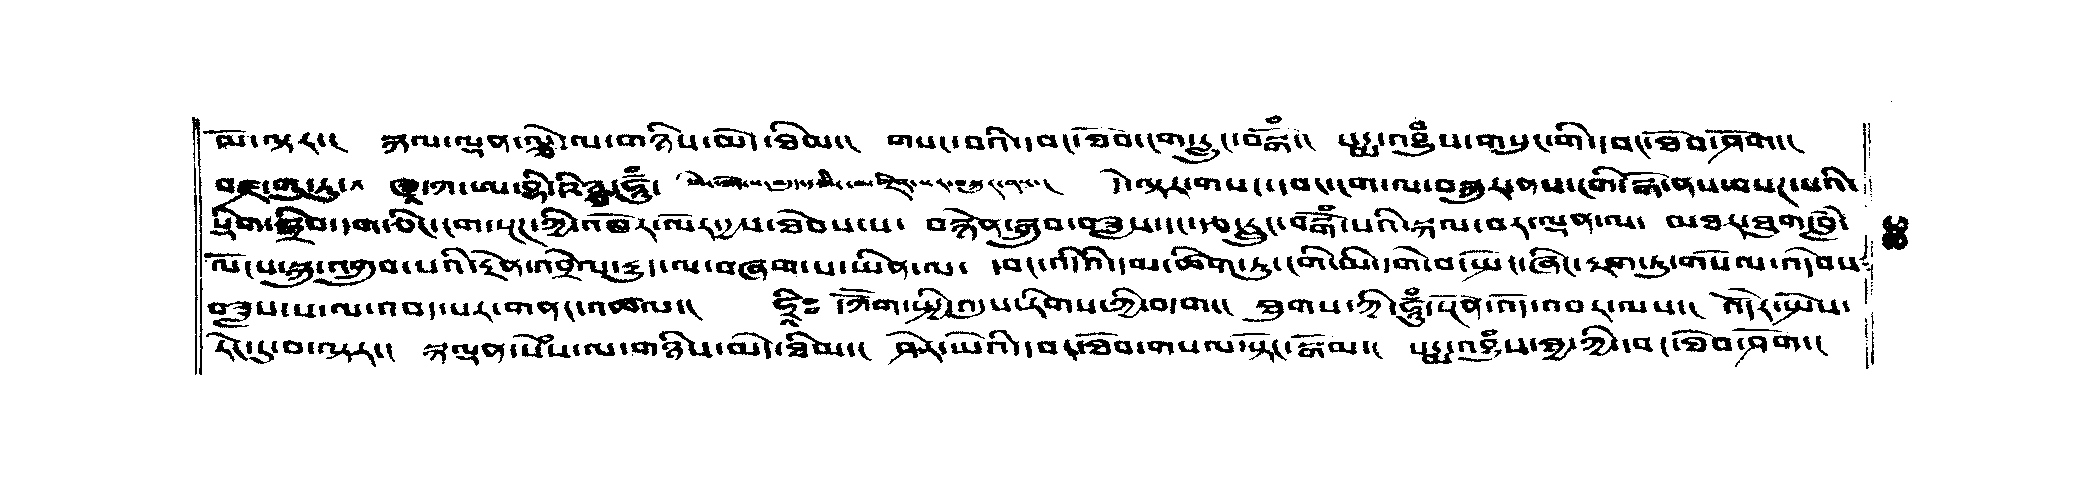མོ་ལྟར། སྐལ་ལྡན་ལྕེ་ལ་གཉིས་མེད་ཐིམ། །གསང་བའི་དབང་ཐོབ་ངག་རླུང་བསྒོམ། །པདྨ་འབྱུང་གནས་གསུང་གི་དབང་ཐོབ་ཤོག
བཛྲ་གུ་རུ་༴ ཝཱ་ཀ་ཨ་བྷི་རིཉྩ་ཧཱུྃ། ཅེས་ཐོད་པ་བདུད་རྩི་མགྲིན་པར་བསྐུར་ནས། དེ་ལྟར་གསང་དབང་ངག་ལ་བསྐུར་ནས་ངག་གི་སྒོ་ནས་བསགས་པའི་
སྡིག་སྒྲིབ་དག་ཅིང་ངག་སྔགས་ཀྱི་འཁོར་ལོར་རྒྱས་ཐེབས་པ། བསྙེན་སྒྲུབ་བཟླས་དང་རྩ་རླུང་བསྒོམ་པའི་སྐལ་བར་ལྡན་ལ། མཐར་ཐུག་བླ་མ་
ལོངས་སྐུ་འགྲུབ་པའི་རྟེན་འབྲེལ་རྒྱུད་ལ་བཞག་པ་ཡིན་ལ། དབང་འདིའི་དམ་ཚིག་ཏུ་ངག་གི་མི་དགེ་བ་སྤོང་ཞིང་རྟག་ཏུ་གསོལ་འདེབས་
བཟླས་པ་ལ་འབད་པར་གནང་འཚལ། ཧྲཱིཿ དཀོན་མཆོག་སྤྱི་འདུས་རིགས་ཀྱི་བདག་ཐུགས་ཀྱི་ཧཱུྃ་སྔོན་འོད་འབར་ལས། །འོད་ཟེར་སྤོས་
རེང་དུ་བ་ལྟར། །སྐལ་ལྡན་སེམས་ལ་གཉིས་མེད་ཐིམ། །ཤེས་ཡེའི་དབང་ཐོབ་གསལ་སྟོང་སྒོམ། ། པདྨ་འབྱུང་གནས་ཐུགས་ཀྱི་དབང་ཐོབ་ཤོག་